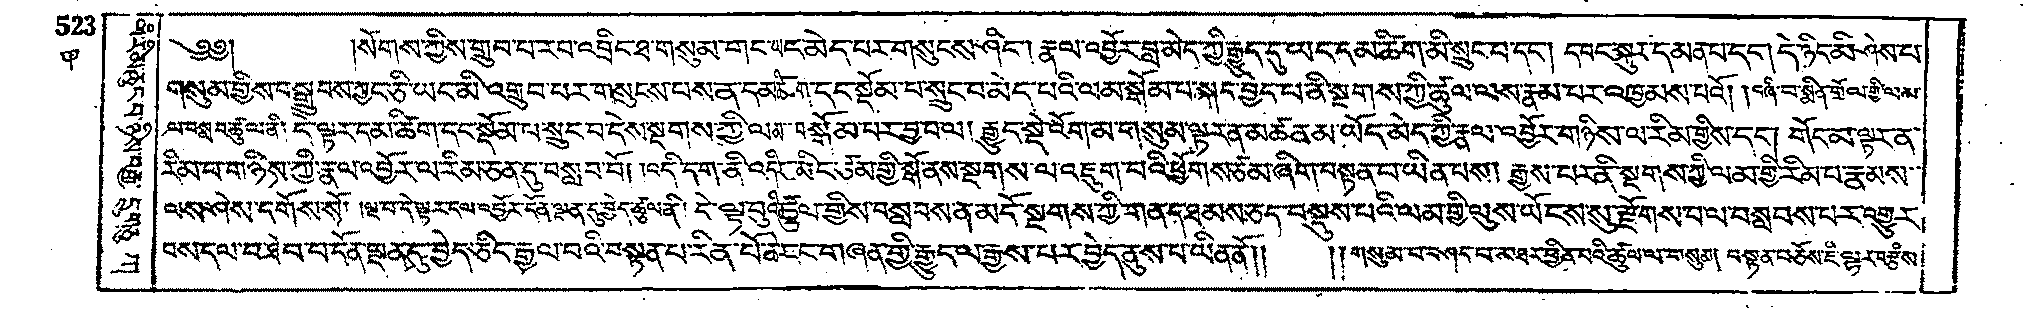༄༅། །སོགས་ཀྱིས་གྲུབ་པ་རབ་འབྲིང་ཐ་གསུམ་གང་ཡང་མེད་པར་གསུངས་ཤིང་། རྣལ་འབྱོར་བླ་མེད་ཀྱི་རྒྱུད་དུ་ཡང་དམ་ཚིག་མི་སྲུང་བ་དང་། དབང་སྐུར་དམན་པ་དང་། དེ་ཉིད་མི་ཤེས་པ་
གསུམ་གྱིས་བསྒྲུབས་ཀྱང་ཅི་ཡང་མི་འགྲུབ་པར་གསུངས་པས་ན་དམ་ཚིག་དང་སྡོམ་པ་སྲུང་བ་མེད་པའི་ལམ་སྒོམ་པ་སྐད་བྱེད་པ་ནི་སྔགས་ཀྱི་ཚུལ་ལས་རྣམ་པར་འཁྱམས་པའོ། །བཞི་པ་སྨིན་གྲོལ་གྱི་ལམ་
ལ་བསླབ་ཚུལ་ནི། དེ་ལྟར་དམ་ཚིག་དང་སྡོམ་པ་སྲུང་བ་དེས་སྔགས་ཀྱི་ལམ་བསྒོམ་པར་བྱ་བ་ལ། རྒྱུད་སྡེ་འོག་མ་གསུམ་ལྟར་ན་མཚན་མ་ཡོད་མེད་ཀྱི་རྣལ་འབྱོར་གཉིས་ལ་རིམ་གྱིས་དང་། གོང་མ་ལྟར་ན་
རིམ་པ་གཉིས་ཀྱི་རྣལ་འབྱོར་ལ་རིམ་ཅན་དུ་བསླབ་བོ། །འདི་དག་ནི་འདིར་མིང་ཙམ་གྱི་སྒོ་ནས་སྔགས་ལ་འཇུག་པའི་ཕྱོགས་ཙམ་ཞིག་བསྟན་པ་ཡིན་པས། རྒྱས་པར་ནི་སྔགས་ཀྱི་ལམ་གྱི་རིམ་པ་རྣམས་
ལས་ཤེས་དགོས་སོ། །ལྔ་པ་དེ་ལྟར་དལ་འབྱོར་དོན་ལྡན་དུ་བྱེད་ཚུལ་ནི།  དེ་ལྟ་བུའི་ཚུལ་གྱིས་བསླབས་ན་མདོ་སྔགས་ཀྱི་གནད་ཐམས་ཅད་བསྡུས་པའི་ལམ་གྱི་ལུས་ཡོངས་སུ་རྫོགས་པ་ལ་བསླབས་པར་འགྱུར་
བསད་དལ་བ་ཐེབ་པ་དོན་ལྡན་དུ་བྱེད་ཅིང་རྒྱལ་བའི་བསྟན་པ་རིན་པོ་ཆེ་རང་གཞན་གྱི་རྒྱུད་ལ་རྒྱས་པར་བྱེད་ནུས་པ་ཡིན་ནོ།། །།གསུམ་པ་བཤད་པ་མཐར་ཕྱིན་པའི་ཚུལ་ལ་གསུམ། བསྟན་བཅོས་ཇི་ལྟར་བརྩཾས་